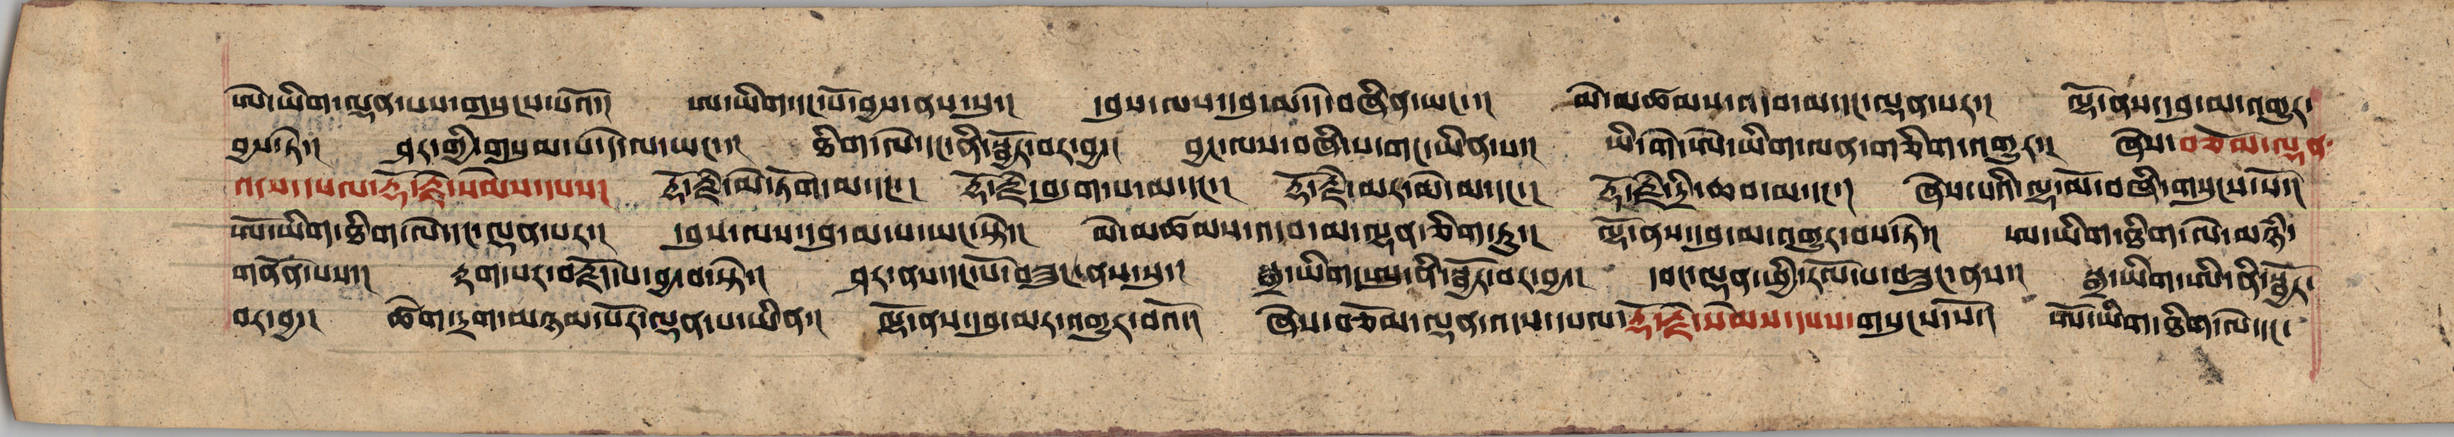ཨེ་ཡིག་ལྡན་པས་གསུངས་པའོ་། ཨ་ིཡིག་དང་པོ་བྱས་ནས་སུ་། དབུས་ལས་དབུ་མ་དེ་བཞིན་ཡང་་། མེ་མཚམས་འདབ་མ་དང་ལྡན་པར་། ལྷོ་ནས་དབུ་མ་འགྱུར་
བྱས་ཏེ་། ཤར་གྱི་གསུམ་པ་དེ་ལ་ཡང་་། ཐིག་ལེ་དང་ནི་སྦྱོར་བར་བྱ་། བྱང་ལས་བཞི་པ་གང་ཡིན་པ་། ཡི་གེ་ཨེ་ཡིག་ལན་གཅིག་འགྱུར་། ཞེས་བཅོམ་ལྡན་
འདས་དཔལ་རྡོ་རྗེ་སེམས་དཔས་། རྡོ་རྗེ་མེ་ཏོག་མ་དང་་། རྡོ་རྗེ་བདུག་པ་མ་དང་་། རྡོ་རྗེ་མར་མེ་མ་དང་་། རྡོ་རྗེ་དྲི་ཆབ་མ་དང་་། ཞེས་པའི་ལྷ་མོ་བཞི་གསུངས་སོ་།
ཨོ་ཡིག་ཐིག་ལེ་དང་ལྡན་པར་། དབུས་ལས་དབུ་མ་པ་ཡང་སྟེ་། མེ་མཚམས་འདབ་མ་ལྷན་ཅིག་ཏུ་། ལྷོ་ནས་དབུ་མ་འགྱུར་བས་ཏེ་། ཨ་ཡིག་ཐིག་ལེ་མཉཾ་
གནོན་པས་། རྟག་པར་བརྗོད་པ་བྱ་བ་སྟེ་། ཤར་ནས་དང་པོ་བཟུང་ནས་སུ་། སྒྲ་ཡིག་ཨུ་ནི་སྦྱོར་བར་བྱ་། དབང་ལྡན་ཕྱི་རོལ་ས་བཟུང་ནས་། སྒྲ་ཡིག་ཨི་ནི་སྦྱོར་
བར་བྱ་། ཚེག་དྲག་མཉམ་པོར་ལྡན་པ་ཡིན་། ལྷོ་ནས་དབུ་མར་འགྱུར་བའོ་། ཞེས་བཅོམ་ལྡན་འདས་དཔལ་རྡོ་རྗེ་སེམས་དཔས་གསུངས་སོ་། ཨོ་ཡིག་ཐིག་ལེ་དང་